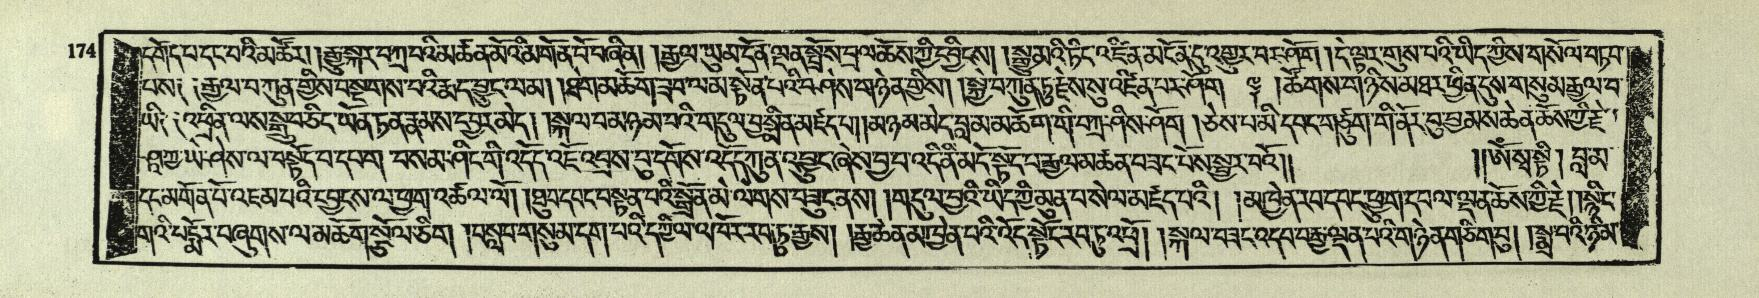དགོད་པ་དང་བའི་མཚོར། །རྒྱུ་སྐར་བཀྲ་བའི་མཚན་མོའི་མགོན་པོ་བཞིན། །རྒྱལ་ཡུམ་དོན་ལྡན་སྤྲོས་བྲལ་ཆོས་ཀྱི་དབྱིངས། །སྒྱུ་མའི་ཏིང་འཛིན་མངོན་དུ་འགྱུར་བར་ཤོག །དེ་ལྟར་གུས་པའི་ཡིད་ཀྱིས་གསོལ་བཏབ་
པས༑ ༑རྒྱལ་བ་ཀུན་གྱིས་བསྔགས་པའི་རྨད་བྱུང་ལམ། །ཐེག་མཆོག་ཟབ་ལམ་སྟོན་པའི་བཤེས་གཉེན་གྱིས། །སྐྱེ་བ་ཀུན་ཏུ་རྗེས་སུ་འཛིན་པར་ཤོག ། །ཚོགས་གཉིས་མཐར་ཕྱིན་དུས་གསུམ་རྒྱལ་བ་
ཡི༑ ༑འཕྲིན་ལས་སྒྲུབ་ཅིང་ཡོན་ཏན་རྣམས་དབྱར་མེད། །སྐལ་བ་མཉམ་བའི་གདུལ་བྱ་སྨིན་མཛད་པ། །མཉམ་མེད་བླ་མ་མཆོག་གི་བཀྲ་ཤིས་ཤོག །ཅེས་པ་མི་དབང་གཙུག་གི་ནོར་བུ་བྱམས་ཆེན་ཆོས་ཀྱི་རྗེ་
ཤཱཀྱ་ཡེ་ཤེས་ལ་བསྟོད་བ་དཔག་བསམ་ཤིང་གི་འདོད་འཇོ་འབྲས་བུ་དགོས་འདོད་ཀུན་འབྱུང་ཞེས་བྱ་བ་འདི་ནི་མདོ་སྟོང་པ་རྒྱལ་མཚན་བཟང་པོས་སྦྱར་བའོ།། །།ཨོཾ་སྭ་སྟི། བླ་མ་
དང་མགོན་པོ་འཇམ་པའི་དབྱངས་ལ་ཕྱག་འཚལ་ལོ། །ཐུབ་དབང་བསྟན་པའི་སྒྲོན་མེ་ལེགས་བཟུང་ནས། །གདུལ་བྱའི་ཡིད་ཀྱི་མུན་པ་སེལ་མཛད་པའི། །མཁྱེན་རབ་དབང་ཕྱུག་དཔལ་ལྡན་ཆོས་ཀྱི་རྗེ། །སྙིང་
གའི་པདམོར་བཞུགས་ལ་མཆོག་སྩོལ་ཅིག །བསླབ་གསུམ་དག་པའི་དཀྱིལ་འཁོར་རབ་ཏུ་རྒྱས། །རྒྱ་ཆེན་མཁྱེན་པའི་འོད་སྟོང་རབ་ཏུ་འཕྲོ། །སྐལ་བཟང་འདབ་བརྒྱ་ལྡན་པའི་གཉེན་གཅིག་བུ། །སྨྲ་བའི་ཉི་མ་